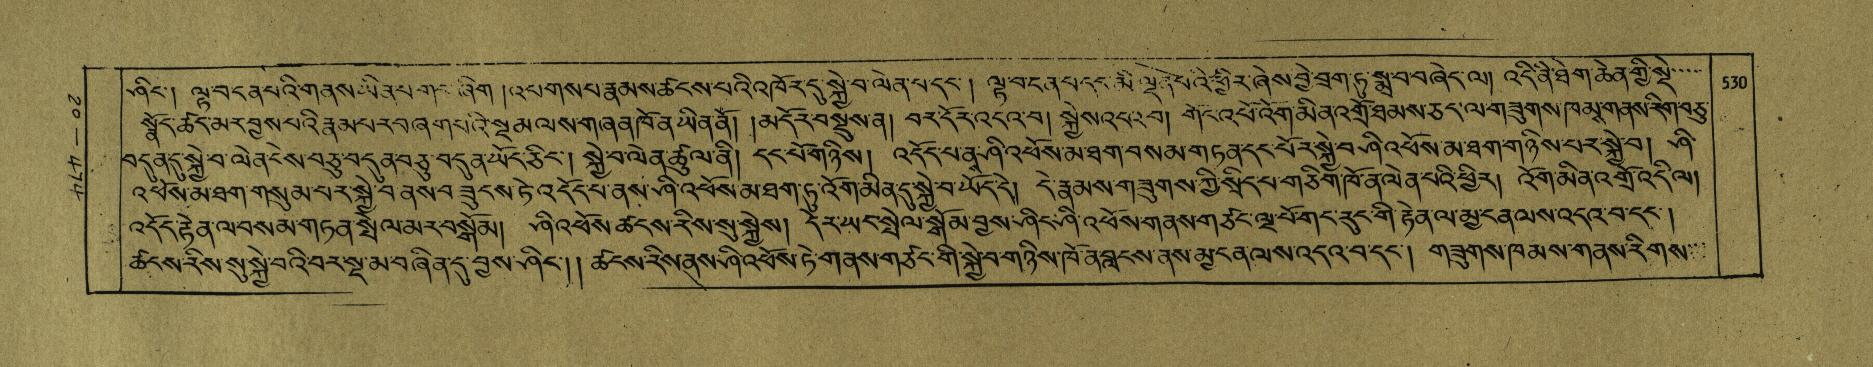ཤིང་། ལྟ་བ་ངན་པའི་གནས་ཡིན་པ་གང་ཞིག །འཕགས་པ་རྣམས་ཚངས་པའི་འཁོར་དུ་སྐྱེ་བ་ལེན་པ་དང་། ལྟ་བ་ངན་པ་དང་མི་ལྡན་པའི་ཕྱིར་ཞེས་བྱེ་བྲག་ཏུ་སྨྲ་བ་བཞེད་ལ། འདི་ནི་ཐེག་ཆེན་གྱི་སྡེ་
སྣོད་ཚང་མར་བྱས་པའི་རྣམ་པར་བཞག་པའི་སྔ་མ་ལས་གཞན་ཁོ་ན་ཡིན་ནོ། །མདོར་བསྡུས་ན། བར་དོར་འདའ་བ། སྐྱེས་འདའ་བ། གོང་འཕོ་འོག་མིན་འགྲོ་ཐམས་ཅད་ལ་གཟུགས་ཁམས་གནས་རིག་བཅུ་
བདུན་དུ་སྐྱེ་བ་ལེན་ངེས་བཅུ་བདུན་བཅུ་བདུན་ཡོད་ཅིང་། སྐྱེ་བ་ལེན་ཚུལ་ནི། དང་པོ་གཉིས། འདོད་པ་ནས་ཤི་འཕོས་མ་ཐག་བསམ་གཏན་དང་པོར་སྐྱེ་བཤི་འཕོས་མ་ཐག་གཉིས་པར་སྐྱེ་བ། ཤི་
འཕོས་མ་ཐག་གསུམ་པར་སྐྱེ་བ་ནས་བཟུངས་ཏེ་འདོད་པ་ནས་ཤི་འཕོས་མ་ཐག་ཏུ་འོག་མིན་དུ་སྐྱེ་བ་ཡོད་དེ། དེ་རྣམས་གཟུགས་ཀྱི་སྲིད་པ་གཅིག་ཁོ་ན་ལེན་པའི་ཕྱིར། འོག་མིན་འགྲོ་འདི་ལ།
འདོད་རྟེན་ལ་བསམ་གཏན་སྤེལ་མར་བསྒོམ། ཤི་འཕོས་ཚངས་རིས་སུ་སྐྱེས། དེར་ཡང་སྤེལ་སྒོམ་བྱས་ཤིང་ཤི་འཕོས་གནས་གཙང་ལྔ་པོ་གང་རུང་གི་རྟེན་ལ་མྱ་ངན་ལས་འདའ་བ་དང་།
ཚངས་རིས་སུ་སྐྱེ་བའི་བར་སྔ་མ་བཞིན་དུ་བྱས་ཤིང་། །ཚངས་རིས་ནས་ཤི་འཕོས་ཏེ་གནས་གཙང་གི་སྐྱེ་བ་གཉིས་ཁོ་ན་བླངས་ནས་མྱ་ངན་ལས་འདའ་བ་དང་། གཟུགས་ཁམས་གནས་རིགས་